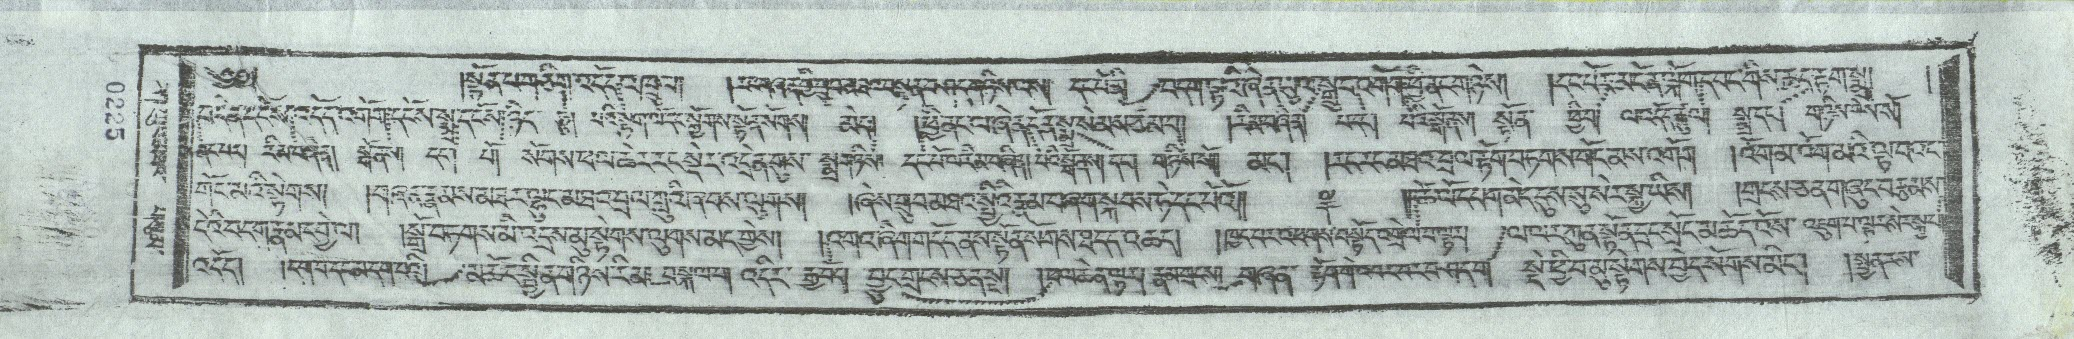༄༅། །སྟོན་པ་གཅིག་འདོད་འཁྲུལ། །རང་གཞན་གྱི་གྲུབ་མཐའ་བསྟན་བཤད་གཉིས་ལས། དང་པོ་ནི། བདག་ལྷའི་ཞེན་ཡུལ་སྒྲུབ་འགོག་ཕྱི་ནང་གཉིས། །དང་པོར་མངོན་ལྐོག་དབང་གིས་ཆད་རྟག་སྨྲ། །
བདེན་དངོས་འདོད་འགོག་དངོས་སྨྲ་དངོས་ཉིད་ཏུ། པའི་སྟག་ལོ་དང་སྐྱོགས་སྟོན་སོགས། མེད། །ཕྱི་ནང་ལ་ཞེན་དོན་སྨྱ་སེམས་ཙམ་པ། །རིམ་བཞིན། པ་རང་། པའི་སྒོ་ནས། སྟོན་ཕྱིར། ལ་འདོད་ཙུལ། སྨྲ་དང་། གཉིས་གྱིས་ཡོ?
ནང་པར། རིམ་བཞེན། སྒོ་ནས། དང་། པོ། སོགས་ཕལ་ཆེར་རང་སྡེར་འདྲེན་གུས་སྨྲ་གཉིས། དང་པོ་ལ་རིམ་བཞིན། པའི་སྒོ་ནས། དང་། གཉིས་སོ། །མང་། །རང་རང་མཐའ་བྲལ་རྟོག་བཏགས་གོང་མས་འགོག། འོག་མ་འོག་མའི་ལྟ་བའང་
གོང་མའི་སྟེགས། །གཞན་རྣམས་མཐར་ལྷུང་མཐའ་བྲལ་ཀླུའི་ཞབས་ལུགས། །ཞེས་གྲུབ་མཐའ་སྤྱིའི་རྣམ་གཞག་སྐབས་ཏེ་དང་པོའོ།། ༈ །།ཚེ?་ལོ་དཔག་མེད་དུས་སུ་སེར་སྐྱ་ཡིས། །གྲངས་ཅན་གཞུང་མཆུམས?
དེའི་བདག་རྣམ་དབྱེ་ལ། །སྒྲོ་བཏགས་མི་འདྲས་མུ་སླྷེགས་ལུགས་མང་གྱིས། །འགའ་ཞིག་གདོད་ནས་སྟོན་སོགས་ཐ་དད་འཆང་། །ཁྱད་པར་འཕགས་བསྟོད་འགྲེལ་བལྟར། །ལ་ལར་ཀུན་སྟོན་དྲང་སྲོང་མཆོད་འོས་འཇུག་པ་ལྟར་སེར་སྐྱ་པ་
འདོད། །དག་པ་དང་མ་དག་པའི། མཆོད་སྦྱིན་གཉིས་རིམ་བསྐལ་པ། འདིར་རྒྱ་བོད། བྱུང་གྲངས་ཅན་སྔ། །ཕལ་ཆེན་ལྟར། །རྣམ་གྲངས། གཞན་རྟོག་གེ་འབར་བར་བཤད་པ། སྡེ་ཕྱི་བ་མུ་སྟེགས་བྱེད་སོགས་མིང་། །སྤྱན་རམ་